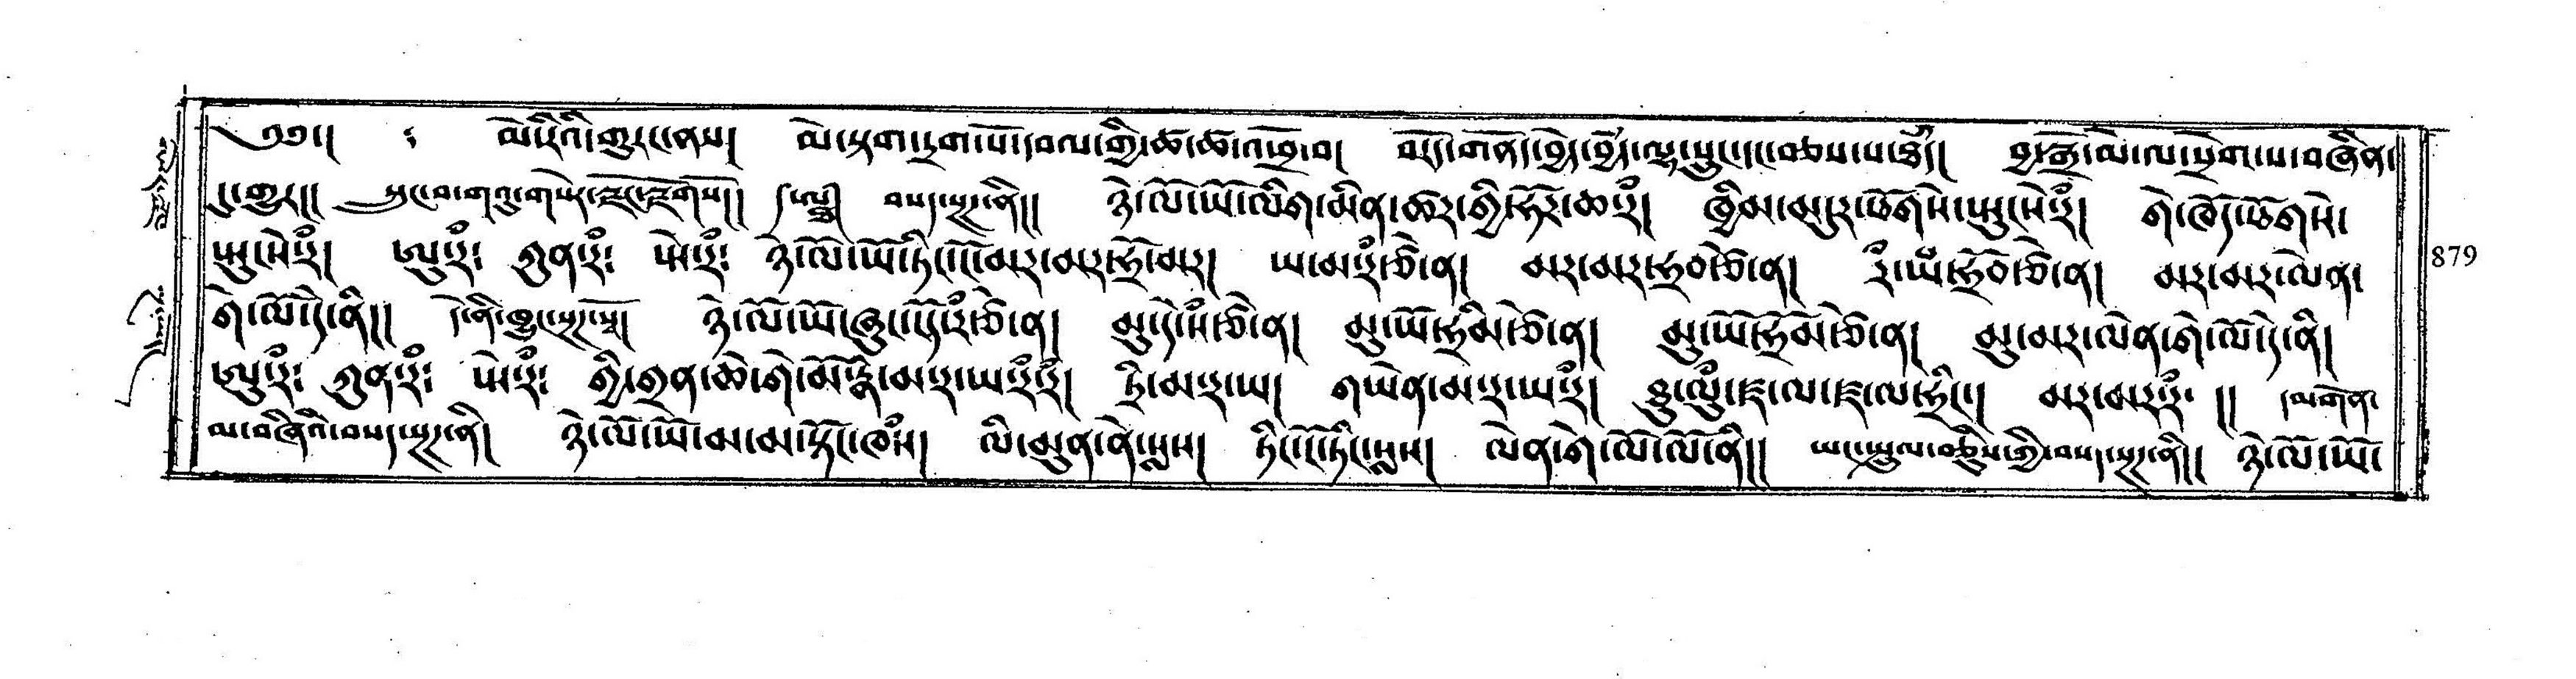མེ་རིའི་གུར་ཁང་ནས། མེ་སྟག་དྲག་པོ་དབལ་གྱི་ཚ་ཚ་འཕྲོ་བ། བར་ཆོད་གནོད་བྱེད་བྱད་མ་ལྷ་སྲུང་དང་བཅས་པ་ཐམས་ཅད། བྱ་སྒྲོ་མེ་ལ་སྲེག་པ་བཞིན་
དུ་གྱུར།། སྲུང་བ་གའུ་གསེར་རྫོང་རྫོགས་སོ།། ཨྠིྀ བསད་སྔགས་ནི།། །ཉེ་ལོ་ཡོ་ལིག་མིན་ཚར་གྱི་ཧོར་ཆ་རཾ། ཁྱིམ་མདུར་ཕོགསེ་སྤུངསེ་རཾ། གེ་ཁོད་ཕོགསེ་
སྤུངསེ་རཾ། ཨུ་རཾ༴ ཀུན་རཾ༴ སྤེ་རཾ༴ ཉེ་ལོ་ཡོ་ཏིང་ངོ་མར་མར་ཧྲོ་མར། ཡ་མ་རཾ་ཙེ་ན། མར་མར་ཧྲབ་ཙེ་ན། རཾ་ཡཾ་ཧྲོབ་ཙེ་ན། མར་མར་ལེན་
གེ་ལོ་དེ་ནི།། དེ་ནི་ཁྱུང་སྔགས་སྭོ། ཉེ་ལོ་ཡོ་ཞུང་ངོད་རཾ་ཙེ་ན། མུ་དེ་སཾ་ཙེ་ན། མུ་ཡོ་ཧྲིམ་ཙེ་ན། མུ་ཡོ་ཧྲོམ་ཙེ་ན། མུ་མར་ལེན་གེ་ལོ་དེ་ནི། 
ཨུ་རཾ༴ ཀུན་རཾ༴ སྤེ་རཾ༴ གྱི་གྲན་ཆེ་གེ་མོ་རྣི་མ་ར་ཡ་རཾ་རཾ། ཏྲི་མ་ར་ཡ། གཡེན་མ་ར་ཡ་རཾ། ཐུ་ལུཾ་ཛ་ལ་ཛ་ལ་ཧྲིང་། མར་མར་རཾ།། །དམག་དཔོན་
མ་བཞིའི་བསད་སྔགས་ནི། །ཉེ་ལོ་ཡོ་མ་མ་སྟོང་ཁམས། ལི་མུན་ནེ་སླས། ཏིང་ངོ་ཏིང་སླས། ལེན་གེ་ལོ་ལོ་ནི།། ཡང་སྤྲུལ་བཅུ་གཉིས་ཀྱི་བསད་སྔགས་ནི།། ཉེ་ལོ་ཡོ་